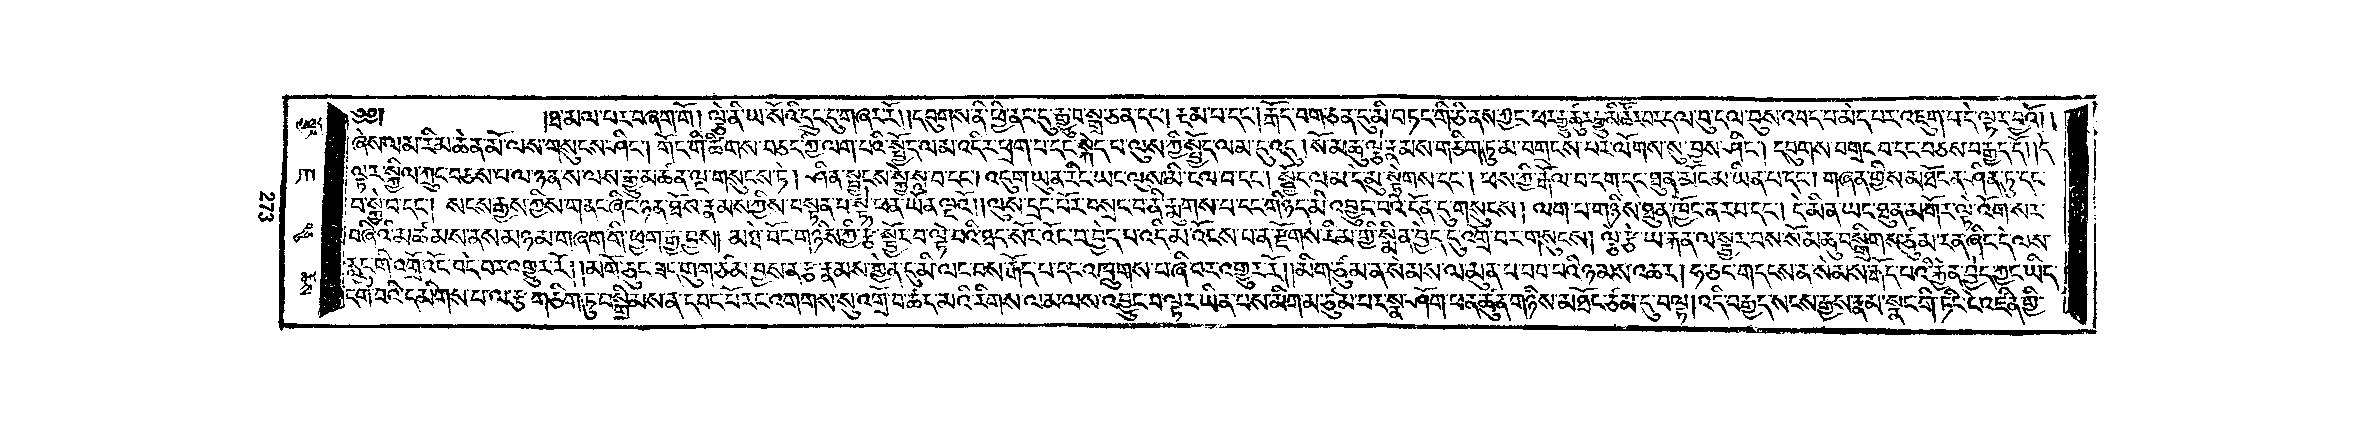༄༅། །ཐ་མལ་པར་བཞག་གོ །ལྕེ་ནི་ཡ་སོའི་དྲུང་དུ་གཞར་རོ། །དབུགས་ནི་ཕྱི་ནང་དུ་རྒྱུ་བ་སྒྲ་ཅན་དང་། རྔམ་པ་དང་། རྒོད་བག་ཅན་དུ་མི་བཏང་གི་ཅི་ནས་ཀྱང་ཕར་རྒྱུ་ཚུར་རྒྱུ་མི་ཚོར་བར་དལ་བུ་དལ་བུས་འབད་པ་མེད་པར་འཇུག་པ་དེ་ལྟར་བྱའོ། །
ཞེས་ལམ་རིམ་ཆེན་མོ་ལས་གསུངས་ཤིང་། གོང་གི་ཚིགས་བཅད་ཀྱི་ལག་པའི་སྤྱོད་ལམ་འདིར་ཕྲག་པ་དང་སྐྱེད་པ་ལུས་ཀྱི་སྤྱོད་ལམ་དུ་འདུ། སོ་མཆུ་ལྕེ་རྣམས་གཅིག་ཏུ་མ་བགྲངས་པར་ལོགས་སུ་བྱས་ཤིང་། དབུགས་བགྲང་བ་དང་བཅས་བརྒྱད་དོ། །དེ་
ལྟར་སྐྱིལ་ཀྲུང་བཅས་པ་ལ་ཉན་ས་ལས་རྒྱུ་མཚན་ལྔ་གསུངས་ཏེ། ཤིན་སྦྱངས་སྐྱེ་སླ་བ་དང་། འདུག་ཡུན་རིང་ཡང་ལུས་མི་ངལ་བ་དང་། སྦྱོང་ལམ་དེ་མུ་སྟེགས་དང་། ཕས་ཀྱི་རྒོལ་བ་དག་དང་ཐུན་མོང་མ་ཡིན་པ་དང་། གཞན་གྱིས་མཐོང་ན་ཤིན་ཏུ་དང་
བ་སྐྱེ་བ་དང་། སངས་རྒྱས་ཀྱིས་གནང་ཞིང་ཉན་ཐོས་རྣམས་ཀྱིས་བསྟན་པ་སྟེ་ཕན་ཡོན་ལྔའོ། ལུས་དྲང་པོར་བསྲང་བ་ནི་རྨུགས་པ་དང་གཉིད་མི་འབྱུང་བའི་དོན་དུ་གསུངས། ལག་པ་གཉིས་ཐུན་ཁྱོད་ན་རབ་དང་། དེ་མིན་ཡང་ཐུན་མགོར་ལྟེ་འོག་སར་
བཞིའི་མཚམས་ནས་མཉམ་གཞག་གི་ཕྱག་རྒྱ་བྱས། མཐེ་བོང་གཉིས་ཀྱི་རྩ་སྦྱོར་བ་ལྟེ་བའི་ཐད་སོར་འོང་བ་བྱེད་པ་འདི་མ་འོངས་པ་ན་རྫོགས་རིམ་གྱི་སྨིན་བྱེད་དུ་འགྲོ་བར་གསུངས། ལྕེ་རྩེ་ཡ་རྐན་ལ་སྦྱར་བས་སོ་མཆུ་བསྒྲིགས་ཙུམ་རན་ཞིང་དེ་ལས་
རླུང་གི་འགྲོ་འོང་བདེ་བར་འགྱུར་རོ། །མགོ་ཅུང་ཟད་གུག་ཙམ་བྱས་ན་རྩ་རྣམས་གྱེན་དུ་མི་ལང་བས་རྒོད་པ་དང་འཁྲུགས་པ་ཞི་བར་འགྱུར་རོ། །མིག་ཙུམ་ན་སེམས་ལ་མུན་པ་བབ་པའི་ཉམས་འཆར། ཧ་ཅང་གདངས་ན་སེམས་རྒོད་པའི་རྐྱེན་བྱེད་ཀྱང་ཡིད་
དགེ་བའི་དམིགས་པ་ལ་རྩ་གཅིག་ཏུ་བསྒྲིམས་ན་དབང་པོ་རང་འགགས་སུ་འགྲོ་བ་ཚད་མའི་རིགས་ལམ་ལས་འབྱུང་བ་ལྟར་ཡིན་པས་མིག་མ་ཙུམ་པར་སྣ་ཤོག་ཕན་ཚུན་གཉིས་མཐོང་ཙམ་དུ་བལྟ། འདི་བརྒྱད་སངས་རྒྱས་རྣམ་སྣང་གི་ཏིང་ངེ་འཛིན་གྱི་